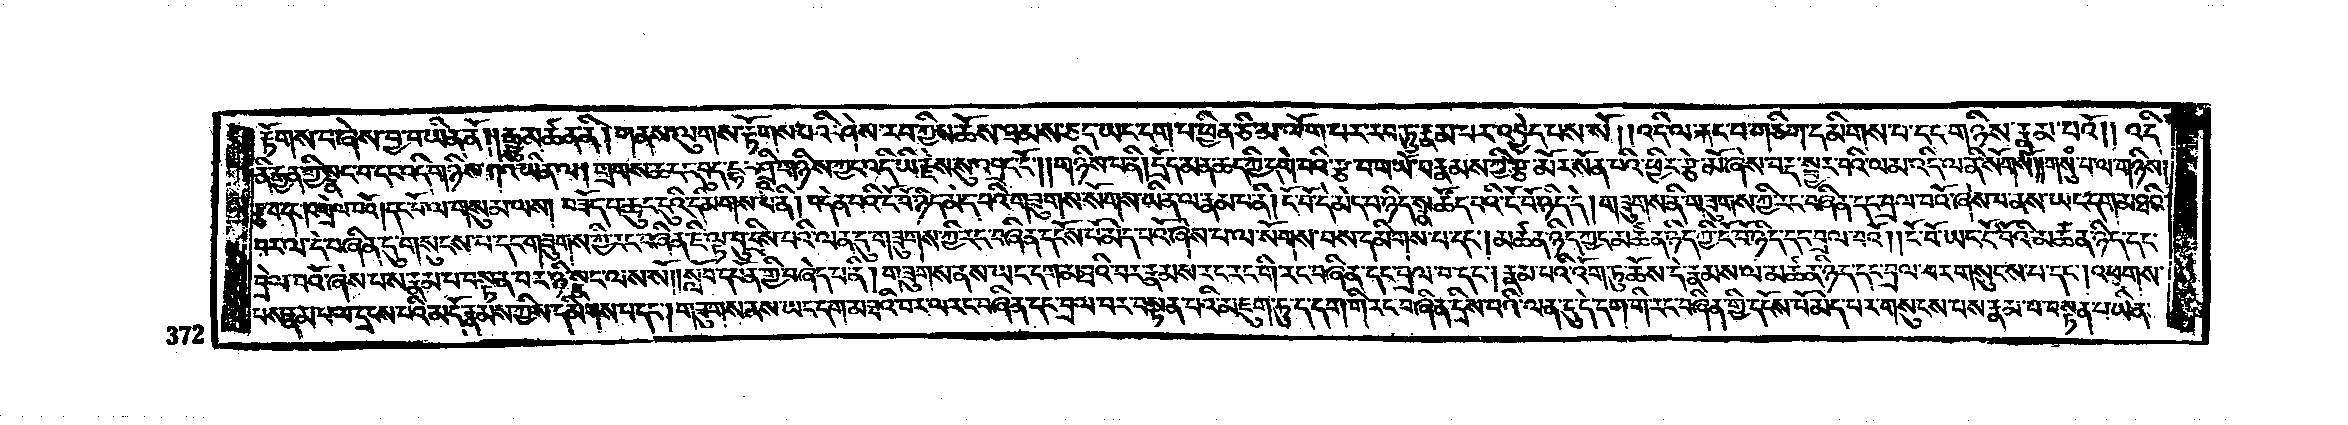རྟོགས་པ་ཞེས་བྱ་བ་ཡིན་ནོ། །རྒྱུ་མཚན་ནི། གནས་ལུགས་རྟོགས་པའི་ཤེས་རབ་ཀྱིས་ཆོས་ཐམས་ཅད་ཡང་དག་པ་ཕྱིན་ཅི་མ་ལོག་པར་རབ་ཏུ་རྣམ་པར་འབྱེད་པས་སོ། །འདི་ལ་རྐང་པ་གཅིག་དམིགས་པ་དང་གཉིས་རྣམ་པའོ། །འདི་
ནི་རྒྱན་གྱི་སྣང་བ་དང་འདི་གཉིས་ཀའི་ཡིན་ལ། གྲགས་ཆ་དང་བུད་དྷ་ཤྲཱི་གཉིས་ཀྱང་འདི་ཡི་རྗེས་སུ་འབྲང་ངོ། །གཉིས་པ་ནི། དྲོད་མན་ཆད་ཀྱི་དགེ་བའི་རྩ་བ་གཡོ་བ་རྣམས་ཀྱི་རྩེ་མོར་སོན་པའི་ཕྱིར་རྩེ་མོ་ཞེས་བརྡ་སྦྱར་བའི་ལམ་འདི་ལ་ནི་སོགས་སོ། །གསུམ་པ་ལ་གཉིས།
རྩ་བ་དང་། འགྲེལ་པའོ། །དང་པོ་ལ་གསུམ་ལས། བཟོད་པ་ཆུང་ངུའི་དམིགས་པ་ནི། བདེན་པའི་ངོ་བོ་ཉིད་མེད་པའི་གཟུགས་སོགས་ཡིན་ལ་རྣམ་པ་ནི། ངོ་བོ་དེ་མེད་པ་ཉིད་སྣ་ཚོད་པའི་ངོ་བོ་ཉིད་དེ། གཟུགས་ནི་གཟུགས་ཀྱི་རང་བཞིན་དང་བྲལ་བའོ་ཞེས་པ་ནས་ཡང་དག་མཐའི་
བར་ལ་དེ་བཞིན་དུ་གསུངས་པ་དང་གཟུགས་ཀྱི་རང་བཞིན་ཇི་ལྟ་བུ་དྲིས་པའི་ལན་དུ་གཟུགས་ཀྱི་རང་བཞིན་དངོས་པོ་མེད་པའོ་ཞེས་པ་ལ་སོགས་པས་དམིགས་པ་དང་། མཚན་ཉིད་ཀྱང་མཚན་ཉིད་ཀྱི་ངོ་བོ་ཉིད་དང་བྲལ་བའོ། །ངོ་བོ་ཡང་ངོ་བོའི་མཚན་ཉིད་དང་
བྲལ་བའོ་ཞེས་པས་རྣམ་པ་བསྟན་པར་ཉི་སྣང་ལས་སོ། །སློབ་དཔོན་གྱི་བཞེད་པ་ནི། གཟུགས་ནས་ཡང་དག་མཐའི་བར་རྣམས་རང་རང་གི་རང་བཞིན་དང་བྲལ་བ་དང་། རྣམ་པའི་འོག་ཏུ་ཆོས་དེ་རྣམས་ལ་མཚན་ཉིད་དང་བྲལ་བར་གསུངས་པ་དང་། འཕགས་
པས་རྣམ་པ་ལ་དྲངས་པའི་མདོ་རྣམས་ཀྱིས་དམིགས་པ་དང་། གཟུགས་ནས་ཡང་དག་མཐའི་བར་ལ་རང་བཞིན་དང་བྲལ་བར་བསྟན་པའི་མཇུག་ཏུ་དེ་དག་གི་རང་བཞིན་དྲིས་པའི་ལན་དུ་དེ་དག་གི་རང་བཞིན་གྱི་དངོས་པོ་མེད་པར་གསུངས་པས་རྣམ་པ་བསྟན་པ་ཡི་